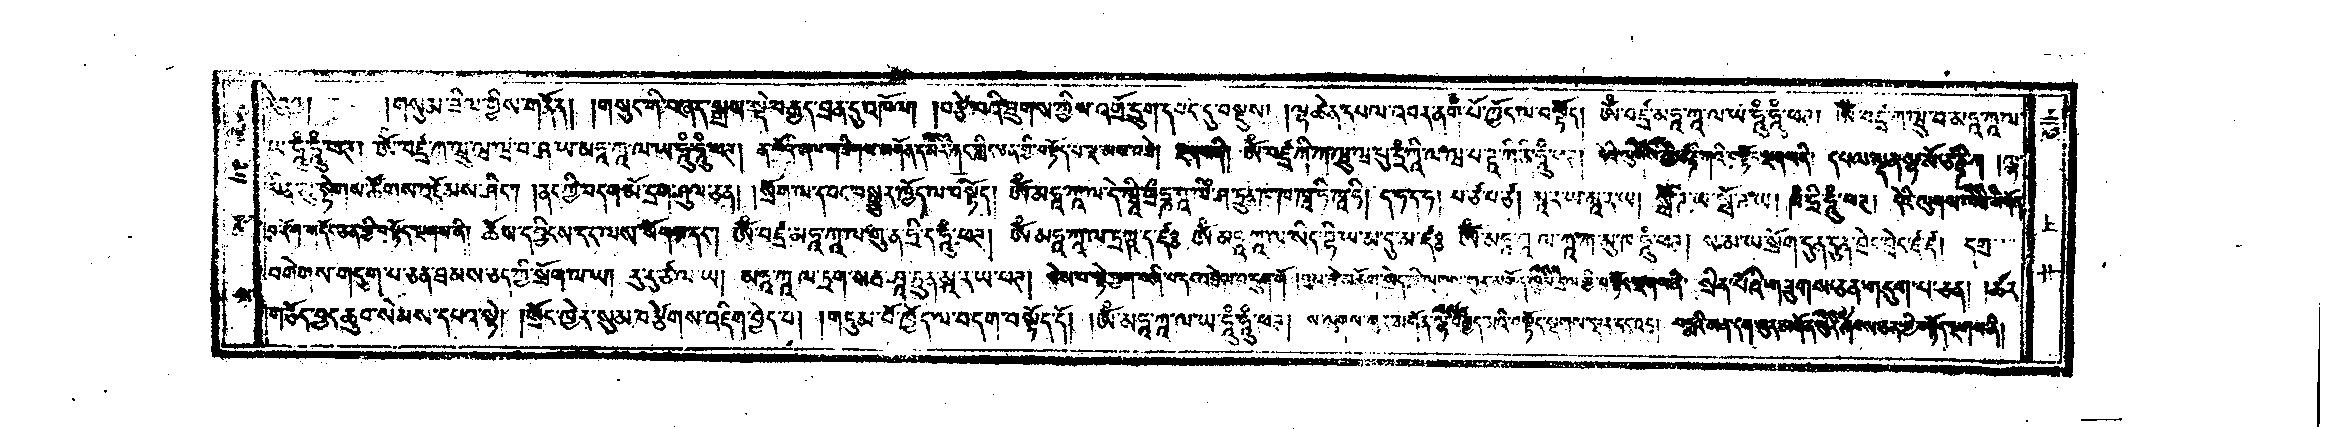༄༅། །གསུམ་ཟིལ་གྱིས་གནོན། །གསུང་གི་བཞད་སྒྲས་སྡེ་བརྒྱད་བྲན་དུ་འཁོལ། །བརྩེ་བའི་ཐུགས་ཀྱིས་འགྲོ་དྲུག་དབང་དུ་བསྡུས། །ལྷ་ཆེན་དཔལ་འབར་ནག་པོ་ཁྱོད་ལ་བསྟོད། ཨོཾ་བཛྲ་མཧཱ་ཀཱ་ལ་ཡ་ཧཱུཾ་ཧཱུཾ་ཕཊ། ཨོཾ་བཛྲ་ཀ་ཝུ་བ་མཧཱ་ཀཱ་ལ་
ཡ་ཧཱུཾ་ཧཱུཾ་ཕཊ། ཨོཾ་བཛྲ་ཀ་ཝུ་ཝ་ཝ་བ་ཤ་ཡ་མཧཱ་ཀཱ་ལ་ཡ་ཧཱུཾ་ཧཱུཾ་ཕཊ། རྒ?་ལོའི་ཞལ་གཟིགས་མགོན་དམར༢༤༢་རྐང་གླིང་ཅན་གྱི་བསྟོད་པ་སྔ་མས་འགྲེ། སྔགས་ནི། ཨོཾ་བཛྲ་ཀི་ཀ་ཝུ་ཝ་པུ་ཏྲཾ་ཀཱི་ལ་ཝ་པ་ཌཱ་ཀི་ནི་ཧཱུཾ་ཕཊ། དེའི་ལུགས ༢༤༣་ཀྱི་ཙཎྜི་ཀའི་བསྟོད་སྔགས་ནི། དཔལ་ལྡན་ལྷ་མོ་ཙཎྜི?་ཀ །ལྷ་
མིན་མུ་སྟེགས་ཚོགས་འཇོམས་ཤིང་། །ནད་ཀྱི་བདག་མོ་དྲག་ཤུལ་ཅན། །སྲོག་ལ་དབང་བསྒྱུར་ཁྱོད་ལ་བསྟོད། ཨོཾ་མཧཱ་ཀཱ་ལ་དེ་ཝཱི་གྲྀཧྞ་བཱ་ལིཾ་ཤ་ཏྲུན་ཁ་ཁ་ཁཱ་ཧི་ཁཱ་ཧི། ད་ཧ་ད་ཧ། པ་ཙ་པ་ཙ། མཱ་ར་ཡ་མཱ་ར་ཡ། སྥོ་ཌ་ཡ་སྥོ་ཌ་ཡ། ཁཾ་ཧྲི་ཧཱུཾ་ཕཊ། དེའི་ལུགས་ལས༢༤༤་མགོན་
བྱ་རོག་གདོང་ཅན་གྱི་བསྟོད་སྔགས་ནི། ཆོས་དབྱིངས་ངང་ལས་སོགས་དང་། ཨོཾ་བཛྲ་མཧཱ་ཀཱ་ལ་གུ་ན་ཧྲི་ད་ཧཱུཾ་ཕཊ། ཨོཾ་མཧཱ་ཀཱ་ལ་ཏྲཀྵ་ད་ཛཿ ཨོཾ་མཧཱ་ཀཱ་ལ་སིད་བྷི་ཡ་མ་དུ་མ་ཛཿ ཨོཾ་མཧཱ་ཀཱ་ལ་ཀཱ་ཀ་མུ་ཁ་ཧཱུཾ་ཕཊ། ས་མ་ཡ་སྲོག་དུན་དུན་བྲིང་བྲིང་ཛ་ཛ། དགྲ་
བགེགས་གདུག་པ་ཅན་ཐམས་ཅད་ཀྱི་སྲོག་ལ་ཡ། རུ་རུ་ཙ་ལ་ཡ། མཧཱ་ཀཱ་ལ་ཏྲག་སརྦ་ཤཱ་ཏྲུན་མཱ་ར་ཡ་ཕཊ། ཅེས་པ་སྟེ་ཕྱག་བཞི་པ་དང་འབྲེལ་བ་དྲུག་གོ །བྲམ་ཟེ་མཆོག་སྲེད་ཀྱི་ལུགས་གུར་མགོན་ལྕམ༢༤༥་དྲལ་གྱི་བསྟོད་སྔགས་ནི། སྲིན་པོའི་གཟུགས་ཅན་གདུག་པ་ཅན། །ཚར་
གཅོད་བྱང་ཆུབ་སེམས་དཔའ་སྟེ། །གྲོང་ཁྱེར་སུམ་བརྩེགས་འཇིག་བྱེད་པ། །གཏུམ་པོ་ཁྱོད་ལ་བདག་བསྟོད་དོ། །ཨོཾ་མཧཱ་ཀཱ་ལ་ཡ་ཧཱུཾ་ཧཱུཾ་ཕཊ། ས་ལུགས་གུར་མགོན་ལྷ༢༤༦་བརྒྱད་མའི་བསྟོད་སྔགས་སྔར་དང་འདྲ། པདམའི་མན་ངག་གུར་མགོན་ཕུར༢༤༧་ཞབས་ཅན་གྱི་བསྟོད་སྔགས་ནི།